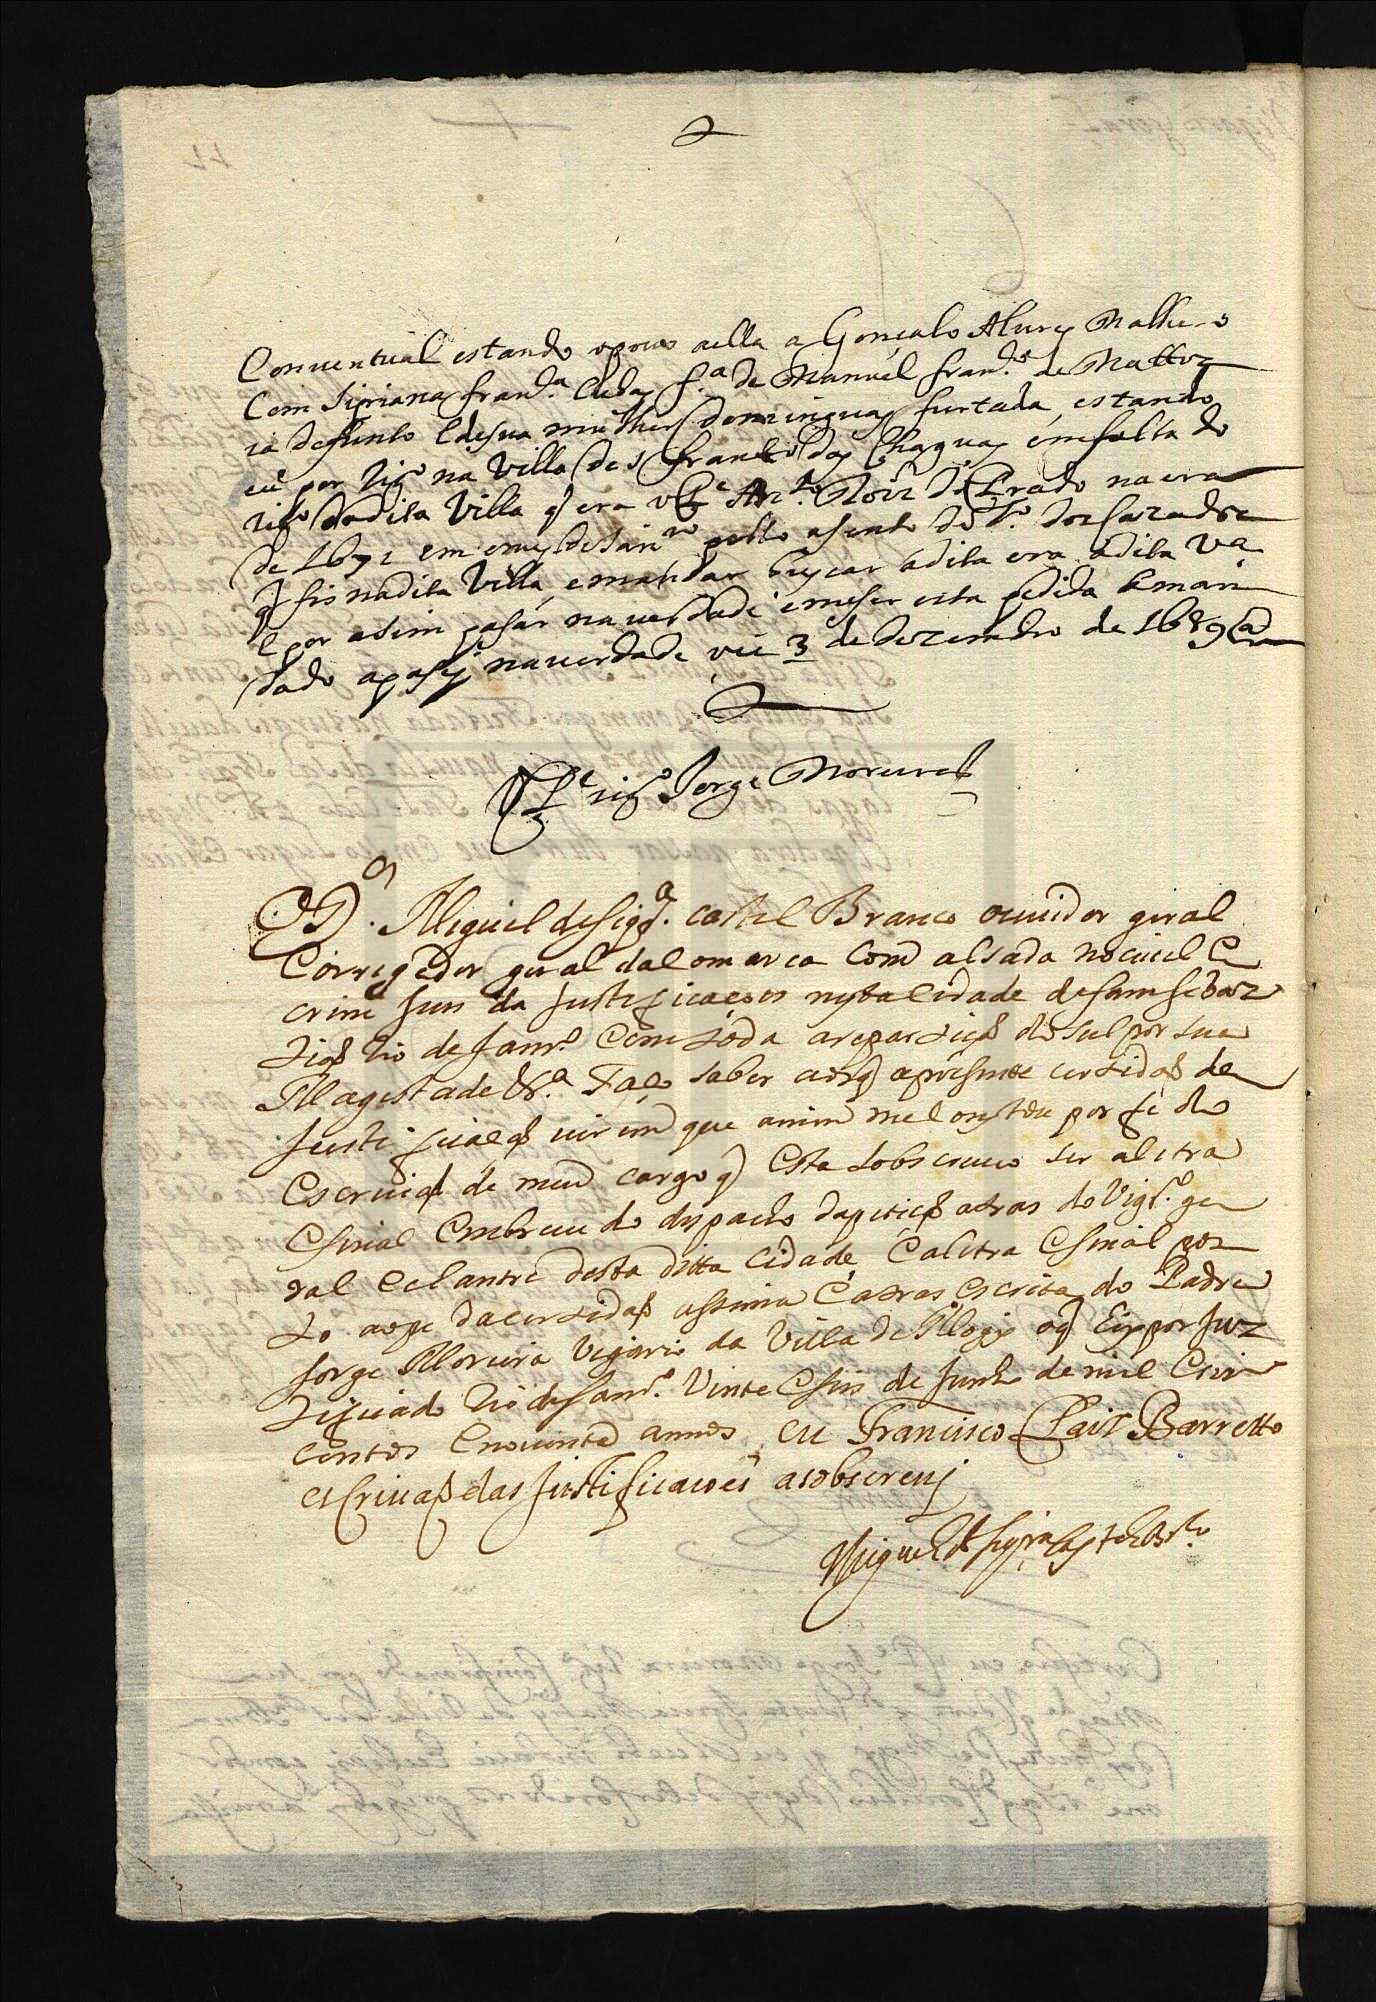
Conuentual estando o pouo a ella a Gonçalo Alures Malheiro
Com Siprianas fran.ca Cuba f.a de Manuel fran.co de Mattoz
ia defunto e de sua mulher dominguas furtada, estando
eu por Vigo na Villa de s Franco das Chaguas em falta do
vigo da dita Villa q̄ era o Pe An.to Roiz̄ do Prado na era
de 1671 em o mes de Ianro pello asento do L.o dos Cazados
q̄ fis na dita Villa, e mandar buscar a dita era a dita v.a
E por asim pasar na uerdade e me ser esta pedida E man
dado a pasej na uerdade oie 3 de dezembro de 1689 ā
O Pe vig.o Iorge Moreira
O D.or Miguel de siqr.a castel Branco ouuidor geral
Corregedor geral da comarca com alsada no ciuel e
crim Juis da Justificaçoes nesta cidade de sam sebaz
tiaõ Rio de Janr.o com toda a repartiçaõ do sul por sua
Magestade &.a Faço saber aos q̄ a presente certidaõ de
Justificaçaõ uirem que a mim me constou por fé do
Escriuaõ de meu cargo q̄ Esta sobscreueo ser a letra
e sinal Em breue do dispacho da petiçaõ atras do Vigr.o ge
ral e chantre desta ditta cidade e a letra e sinal pos
to ao pe da certidaõ assima e atras escrita do Padre
Jorge Moreira vigario da Villa de Mogy o q̄ hey por Juz
tificado Rio de Janr.o Vinte e seis de Junho de mil e seis
centos e nouenta annos, eu Francisco Paiz Barretto
esCriuaõ das Justificaçoẽs a sobscreuj
Miguel de siq.ra Castel Br.co
